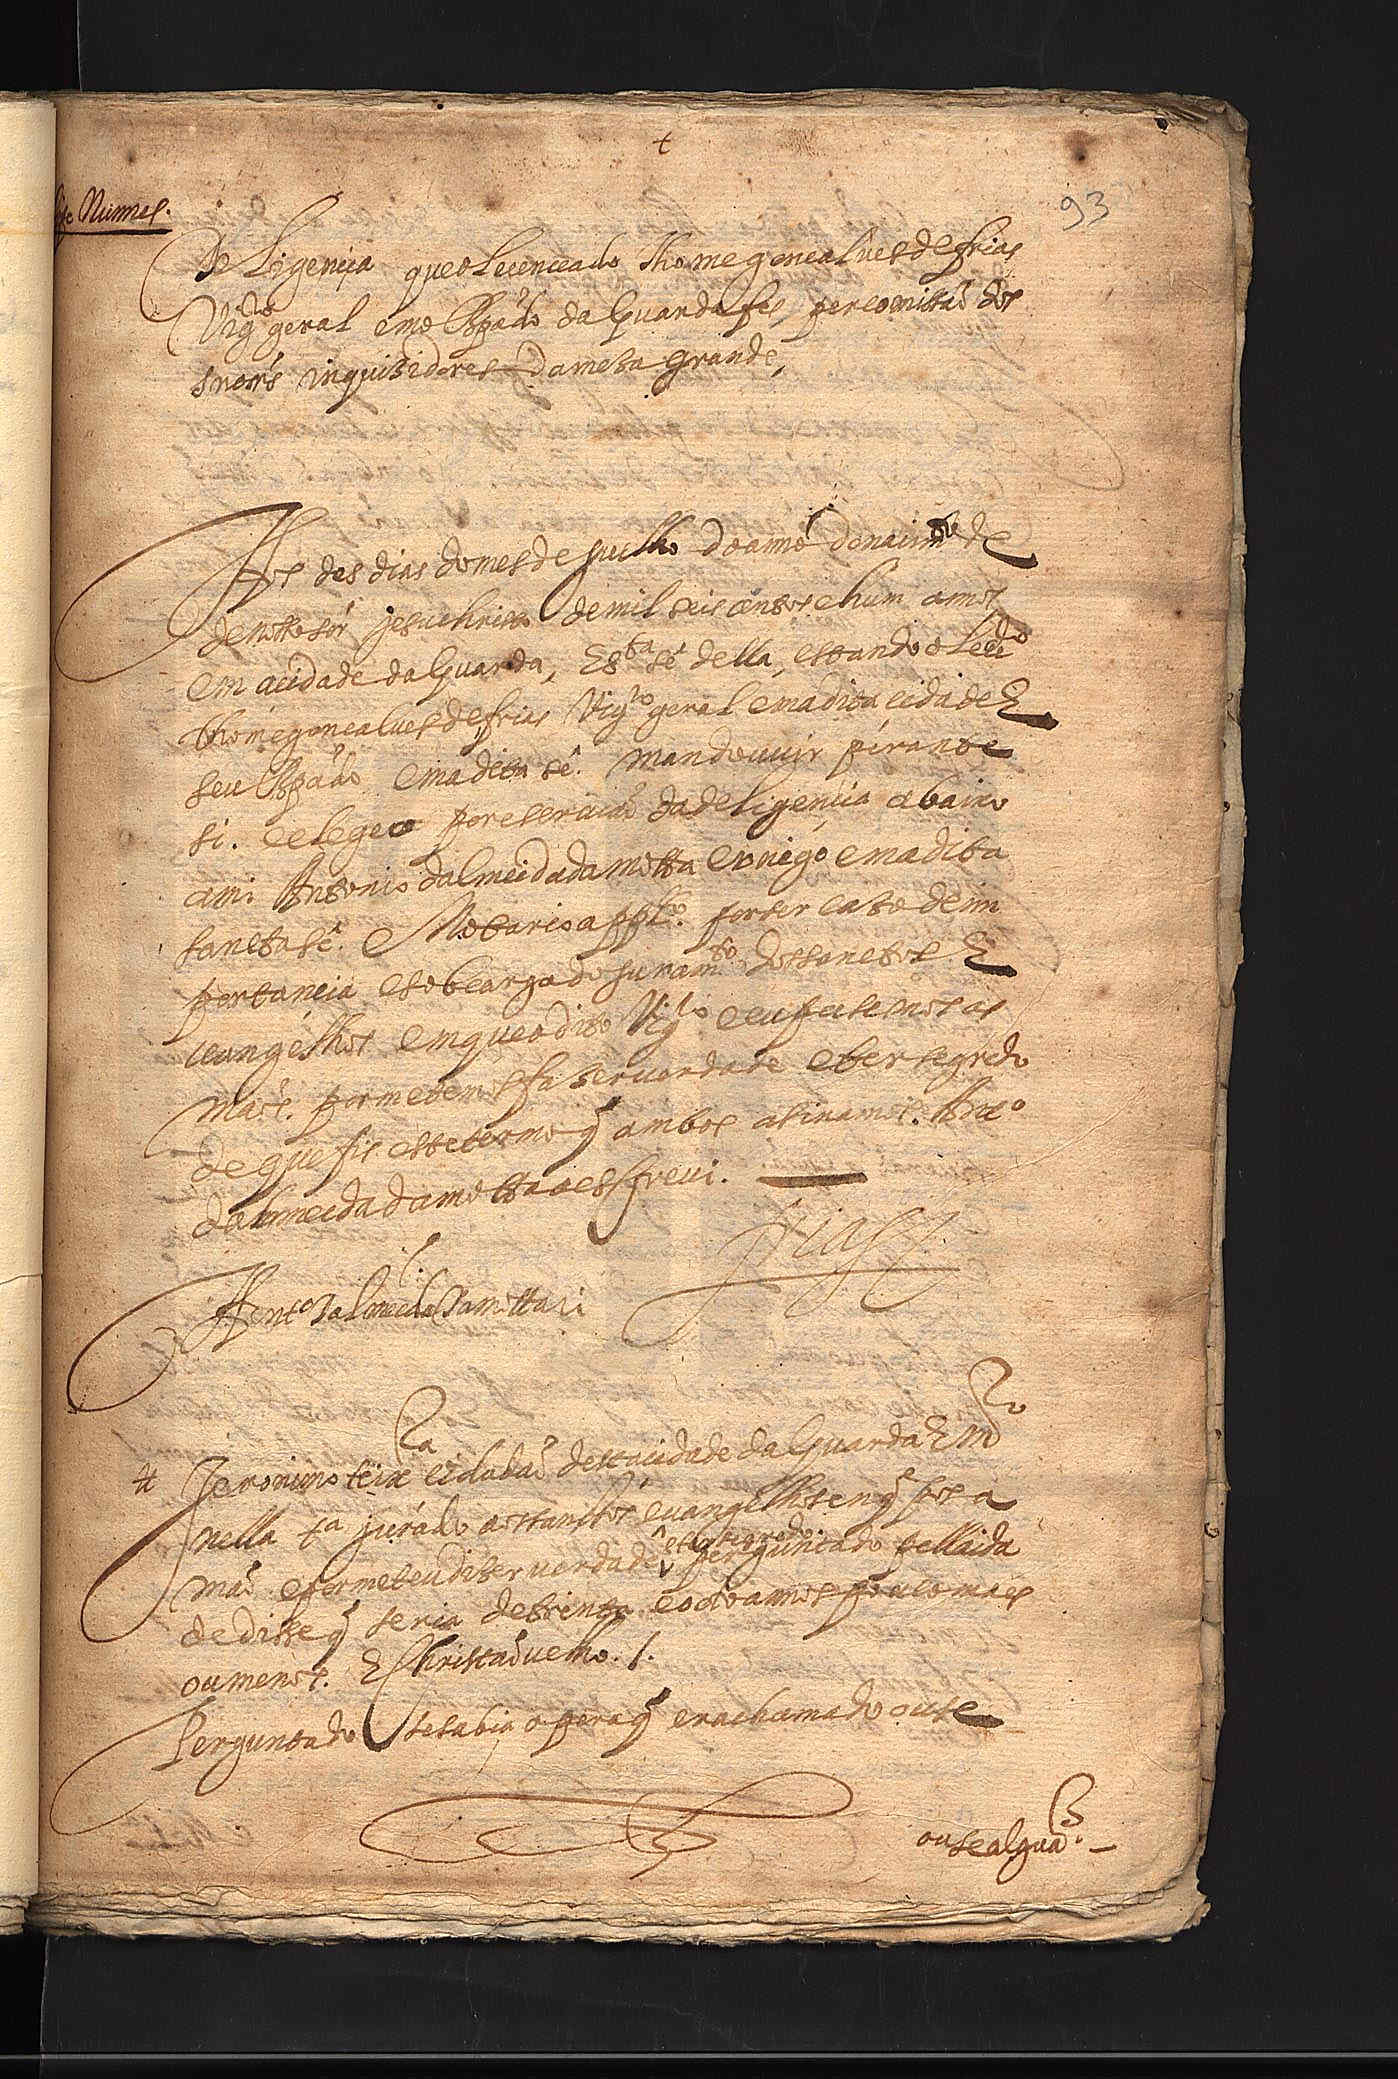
DeLigençia que o Lecenceado Thome goncalues de frias
Virgro geral em o Bpādo da Guarda fes per comissaõ dos
snors̄ inquizidores da meza grande
Aos des dias do mes de julho do anno do nacimto de
de nosso sor̄ jesu christo de mil seiscentos e hum annos
em a çidade da Guarda, E sta sê della, estando o Lecedo
thome goncalues de frias Vigro geral em a dita çidade E
seu Bpādo em a dita sê. mandou uir perante
si. e elegeo por escriuaõ da deligençia abaixo
a mi Antonio dalmeida da motta conigo em a dita
sancta sê. e Notario applco. por ser cazo de im
portançia e sob cargo do juramto dos sanctos E
uangelhos em que o dito Vigro e eu pusemos as
maõs pormetemos fazer uerdade e ter segredo
de que fis deste termo q̄ ambos asinamos. Anto
dalmeida da motta o escreui.
item Jeronimo teixra çidadaõ desta çidade da Guarda E mro
nella ta jurado aos sanctos euangelhos en q̄ pos a
maõ e pormeteu dizer uerdade
e ter segredo.
perguntado pella ida
de disse q̄ seria de trinta e octo annos pouco maes
ou menos. E Christaõ uelho./.
Perguntado se sabia o pera q̄ era chamado ou se
ou se alguā
